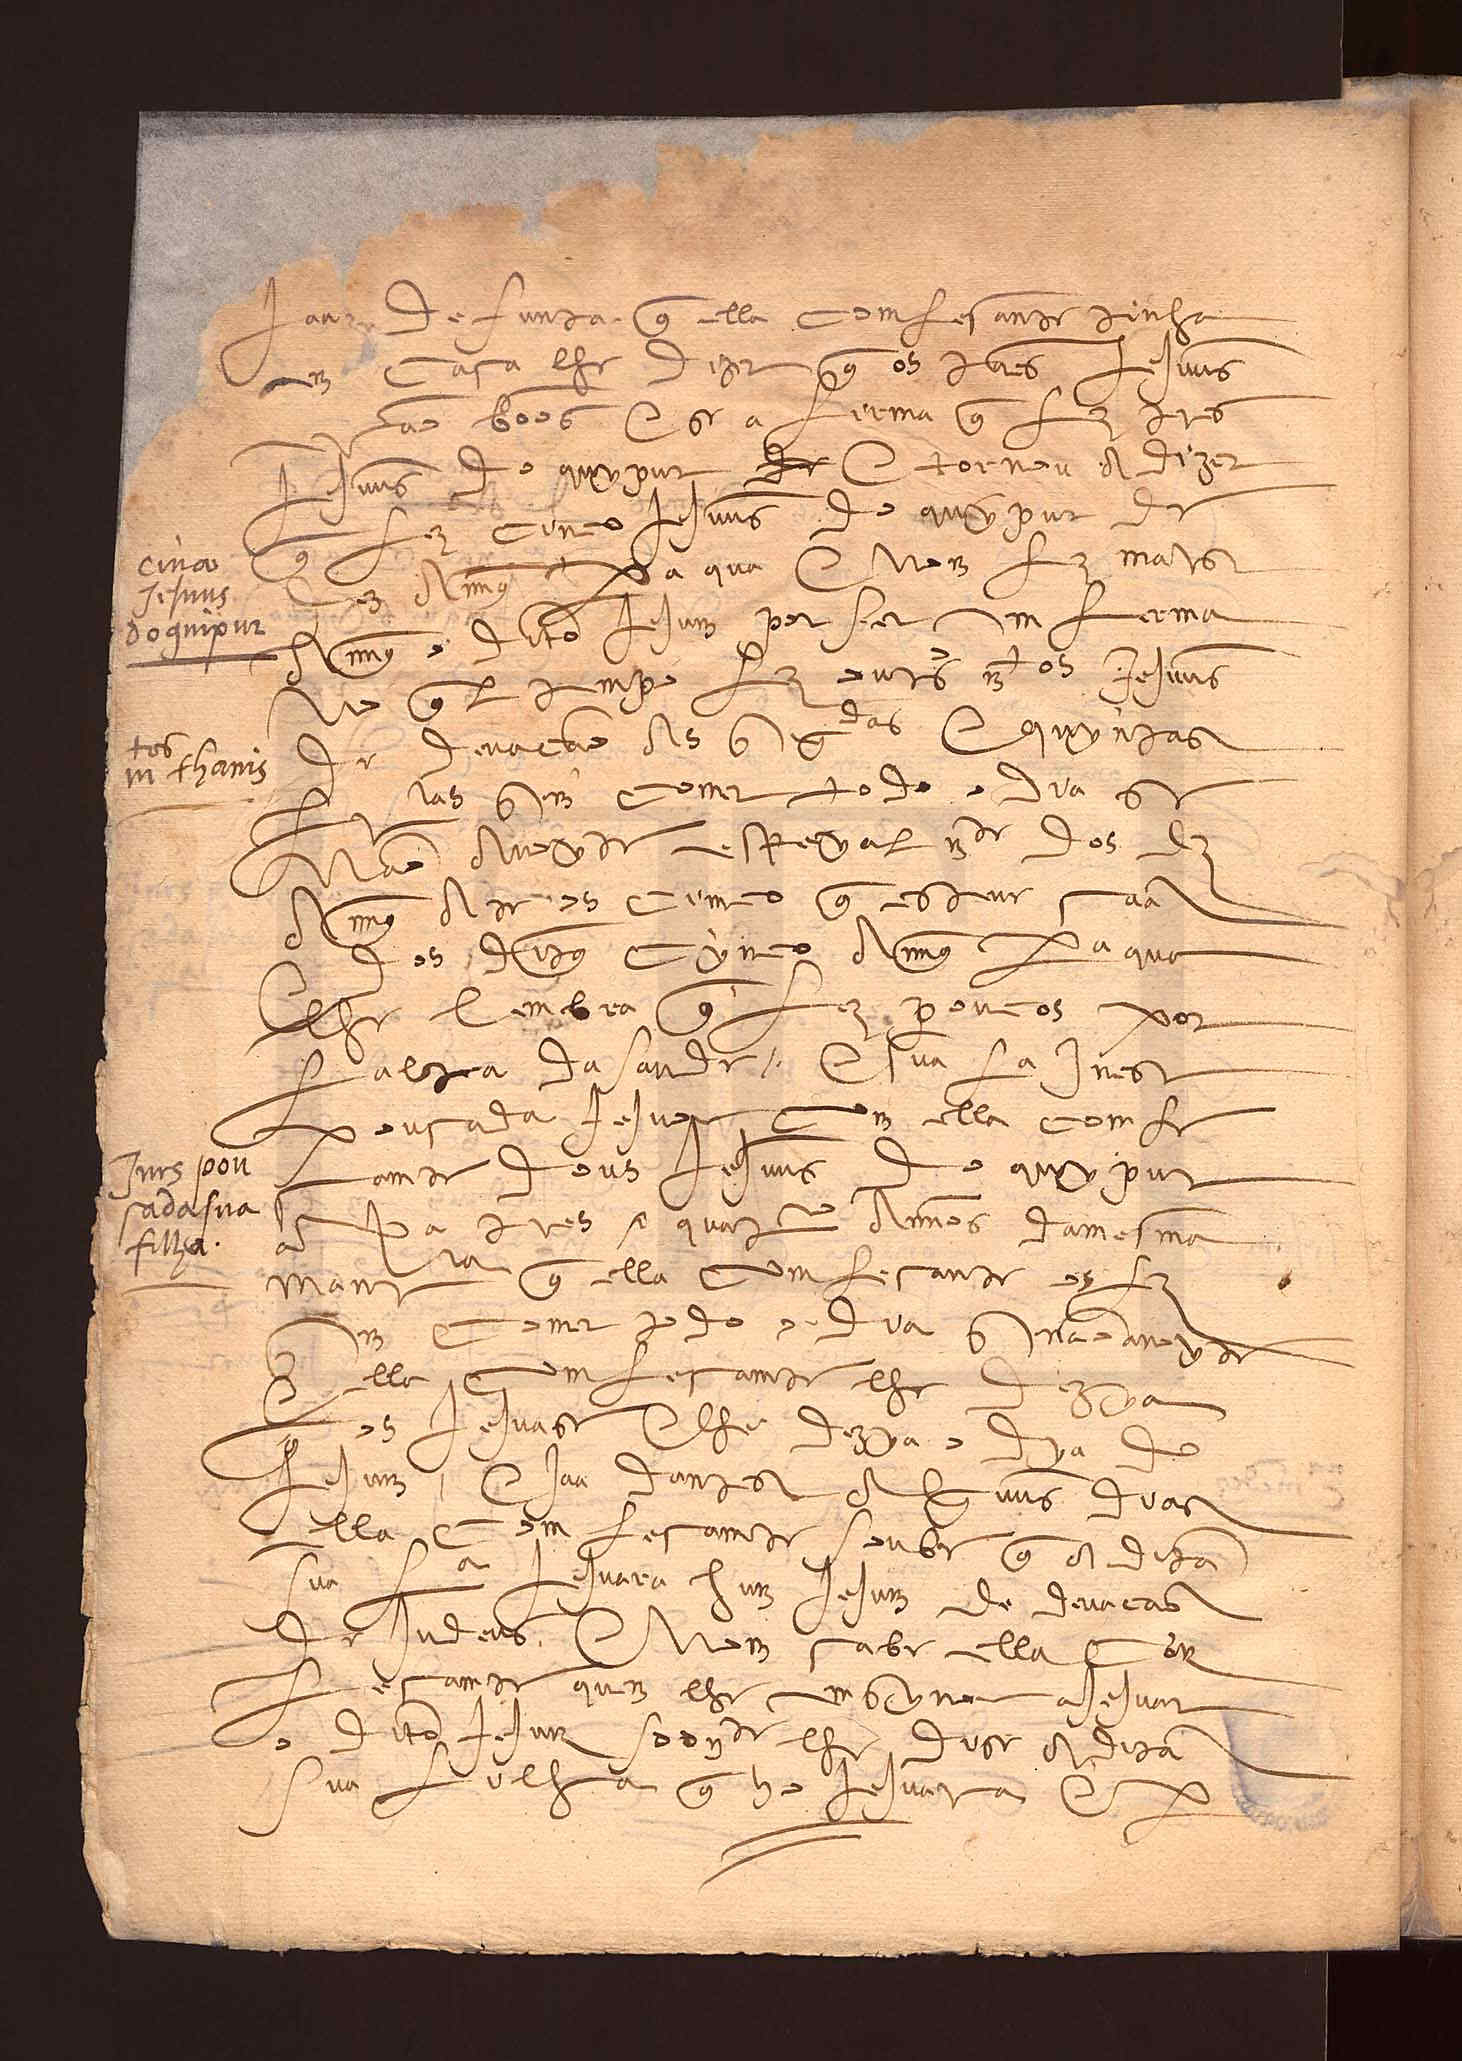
Jaa defunta q̄ ella comfesante tinha
em Casa lhe dizer q̄ os tāes JeJūus
erão bōos e se afirma q̄ fez tres
JeJūus do quypur de e tornou A dizer
q̄ fez cinco JeJūus do quypur de
dez Ann̄ꝯ ꝑa qua e Nom fez majs
Ann̄ꝯ o dito JeJum por seer emferma
No q̄l tempo fez outos mtos JeJūus
de deuação As segdas e quyntas
frras sem comer todo o dia se
Não A noyte especyalmte dos dez
Ann̄ꝯ Ate os Cimco q̄ esteue saā
e dos dit̄ꝯ Cynco Ann̄ꝯ ꝑa qua
lhe lembra q̄ fez poucos por
falta da saude /. e sua fa Jnes
pousada JeJuou Com ella comfe
samte dous JeJūus do quypur
aꝟa tres e quatro Ann̄ꝯ da mesma
manrra q̄ ella Comfesante os fez
sem Comer todo o dia senão a noyte
e ella Comfesamte lhe dezya
q̄ os JeJuase e lhe dezya o dya do
JeJum / e Jaa dantes Alguūs dias
ella Comfesamte soube q̄ A dit̄a
sua fa JeJuara hum JeJum de deuacaõ
de Judeus e Nom sabe ella Con
fesamte quem lhe ensynou a JeJuar
o dit̄o Jejum soomte lhe dise A dita
sua filha q̄ ho JeJuara e ꝑ
